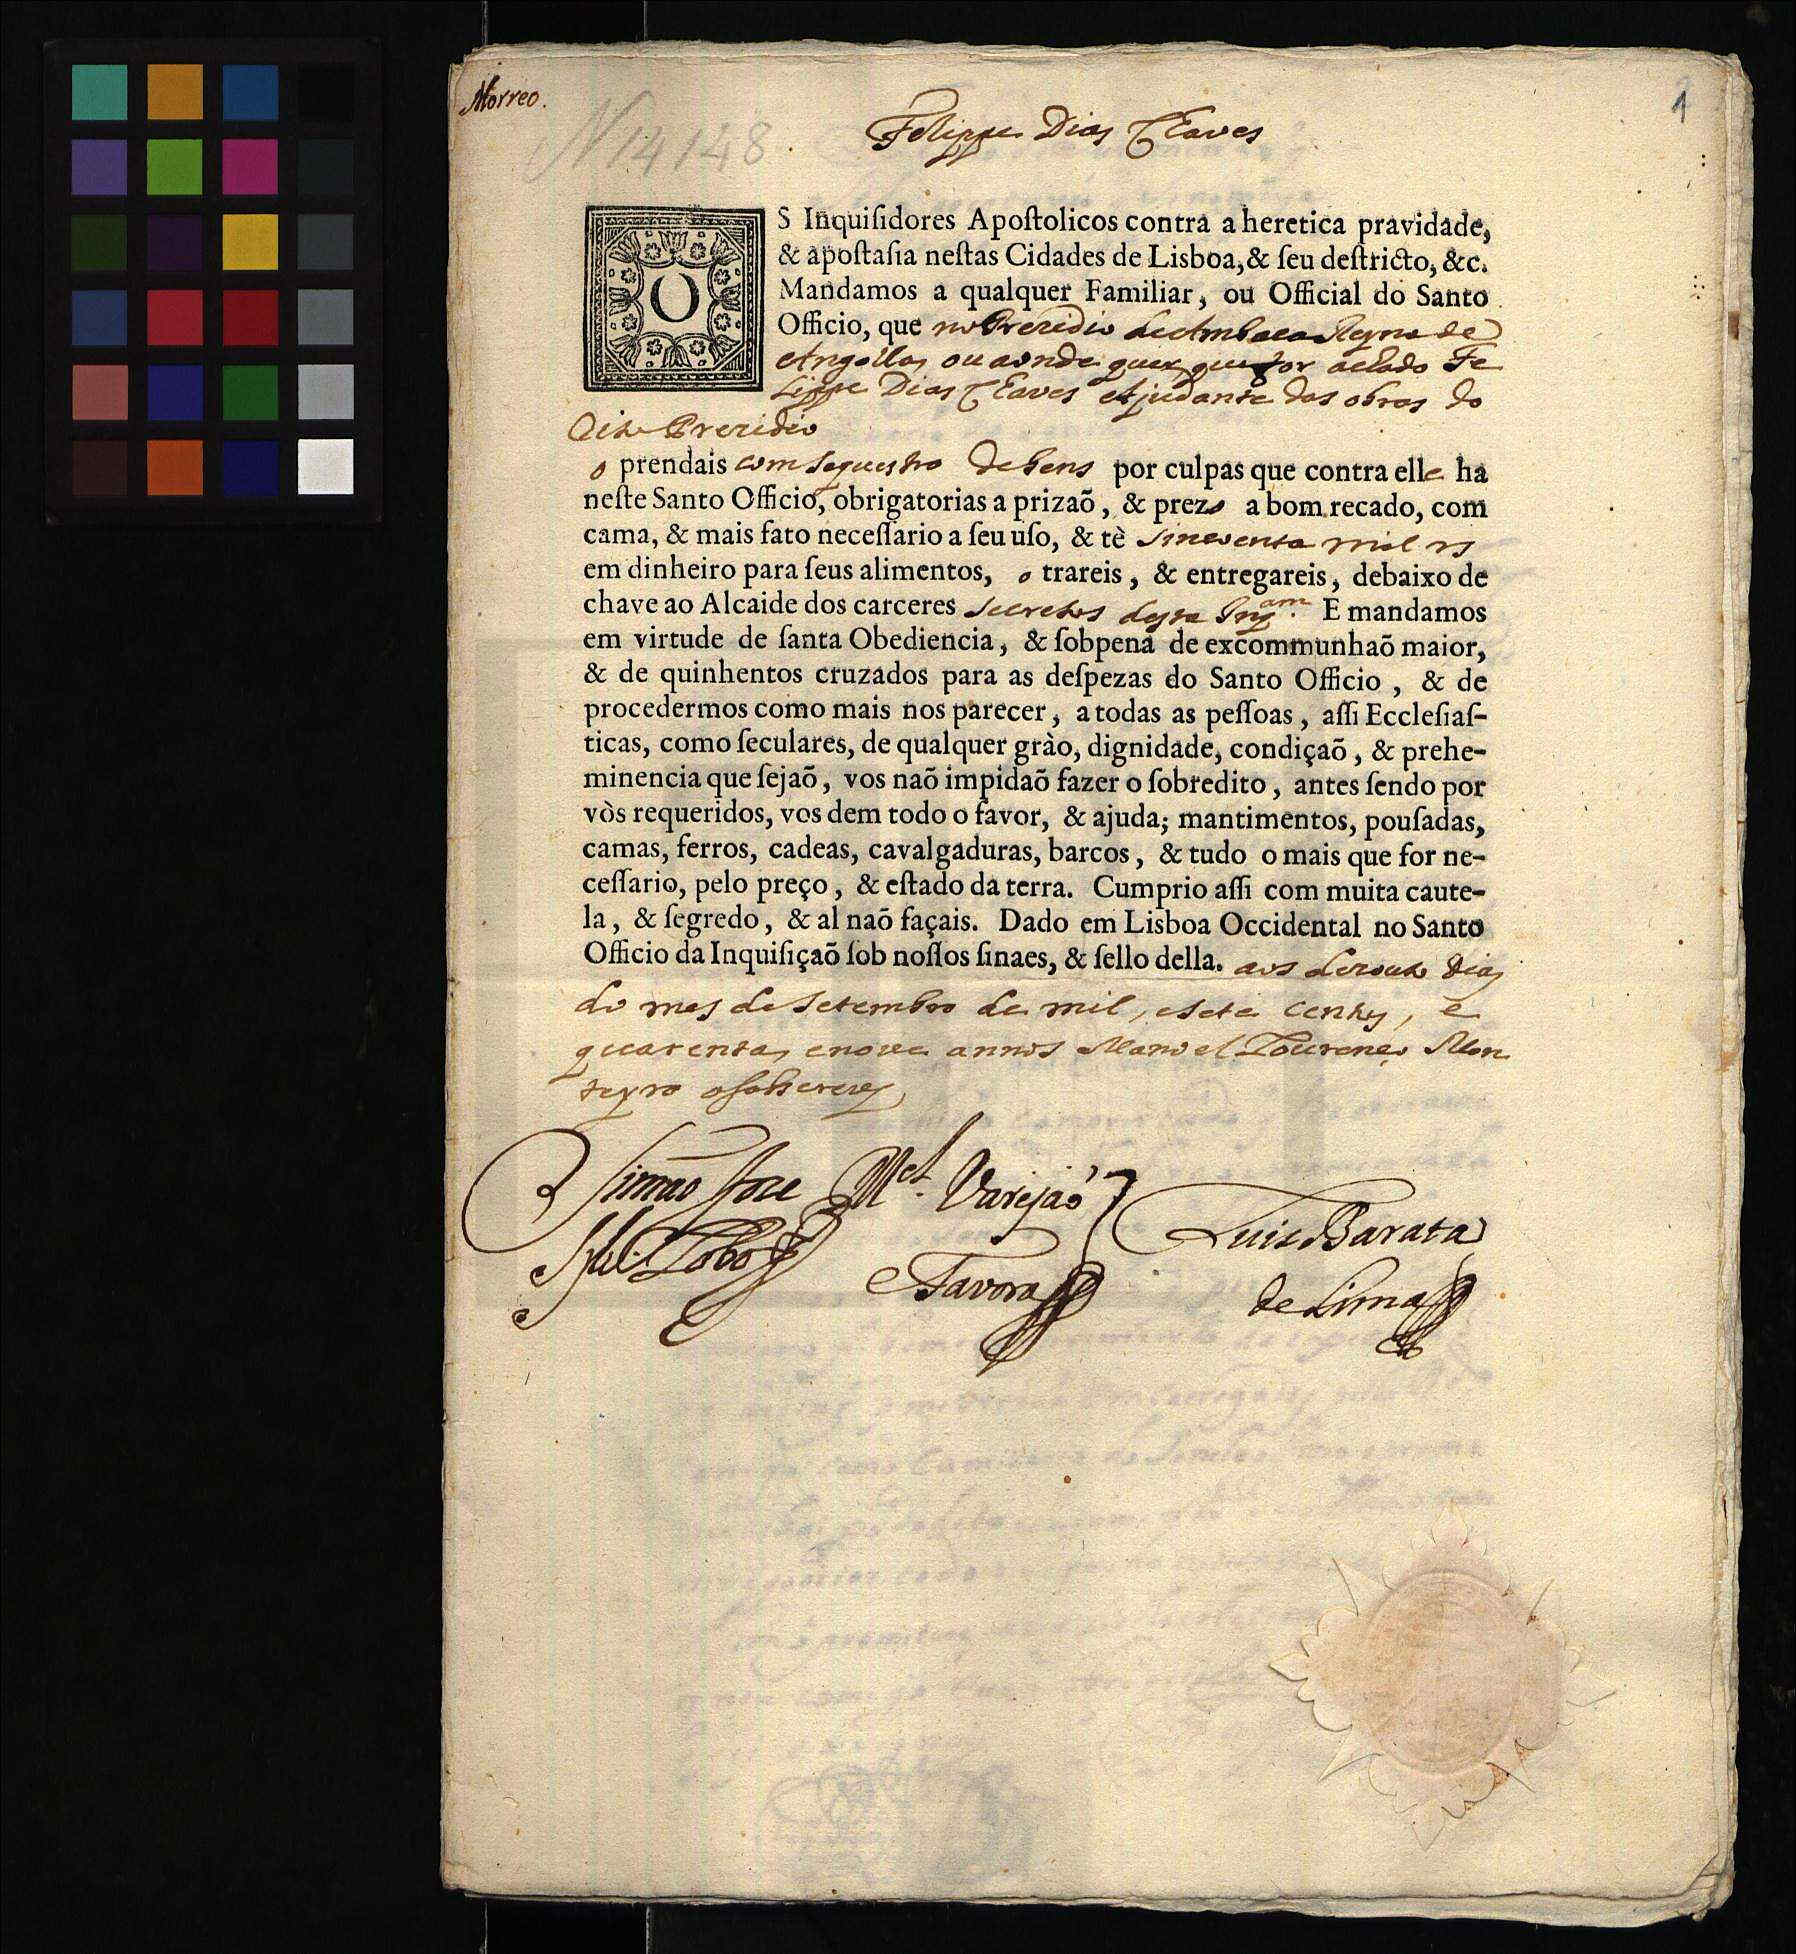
Morreo.
Felippe Dias Chaves
S Inquisidores Apostolicos contra a heretica pravidade,
& apostasia nestas Cidades de Lisboa, & seu destricto, &c.
Mandamos a qualquer Familiar, ou Official do Santo
Officio, que no Prezidio de Ambaca Reyno de
Angolla ou aonde quer, que for achado Fe
Lippe Dias Chaves Ajudante das obras do
dito Prezidio
o prendais com sequestro de bens por culpas que contra elle ha
neste Santo Officio, obrigatorias a prizaõ, & prezo a bom recado, com
cama, & mais fato necessario a seu uso, & tè sincoenta mil rs
em dinheiro para seus alimentos, o trareis, & entregareis, debaixo de
chave ao Alcaide dos carceres secretos desta Inq.am E mandamos
em virtude de santa Obediencia, & sob pena de excommunhaõ maior,
& de quinhentos cruzados para as despezas do Santo Officio, & de
procedermos como mais nos parecer, a todas as pessoas, assi Ecclesias
ticas, como seculares, de qualquer grào, dignidade, condiçaõ, & prehe
minencia que sejaõ, vos naõ impidaõ fazer o sobredito, antes sendo por
vòs requeridos, vos dem todo o favor, & ajuda, mantimentos, pousadas,
camas, ferros, cadeas, cavalgaduras, barcos, & tudo o mais que for ne
cessario, pelo preço, & estado da terra. Cumprio assi com muita caute
la, & segredo, & al naõ façais. Dado em Lisboa Occidental no Santo
Officio da Inquisiçaõ sob nossos sinaes, & sello della. aos dezouto dias
do mes de setembro de mil, e setecentos, e
quarenta, e nove annos Manoel Lourenço Mon
teyro o sobscrevj
Simaõ Joze M.el Varejaõ
Luiz Barata
Sylu Lobo
e Tavora
de Lima
